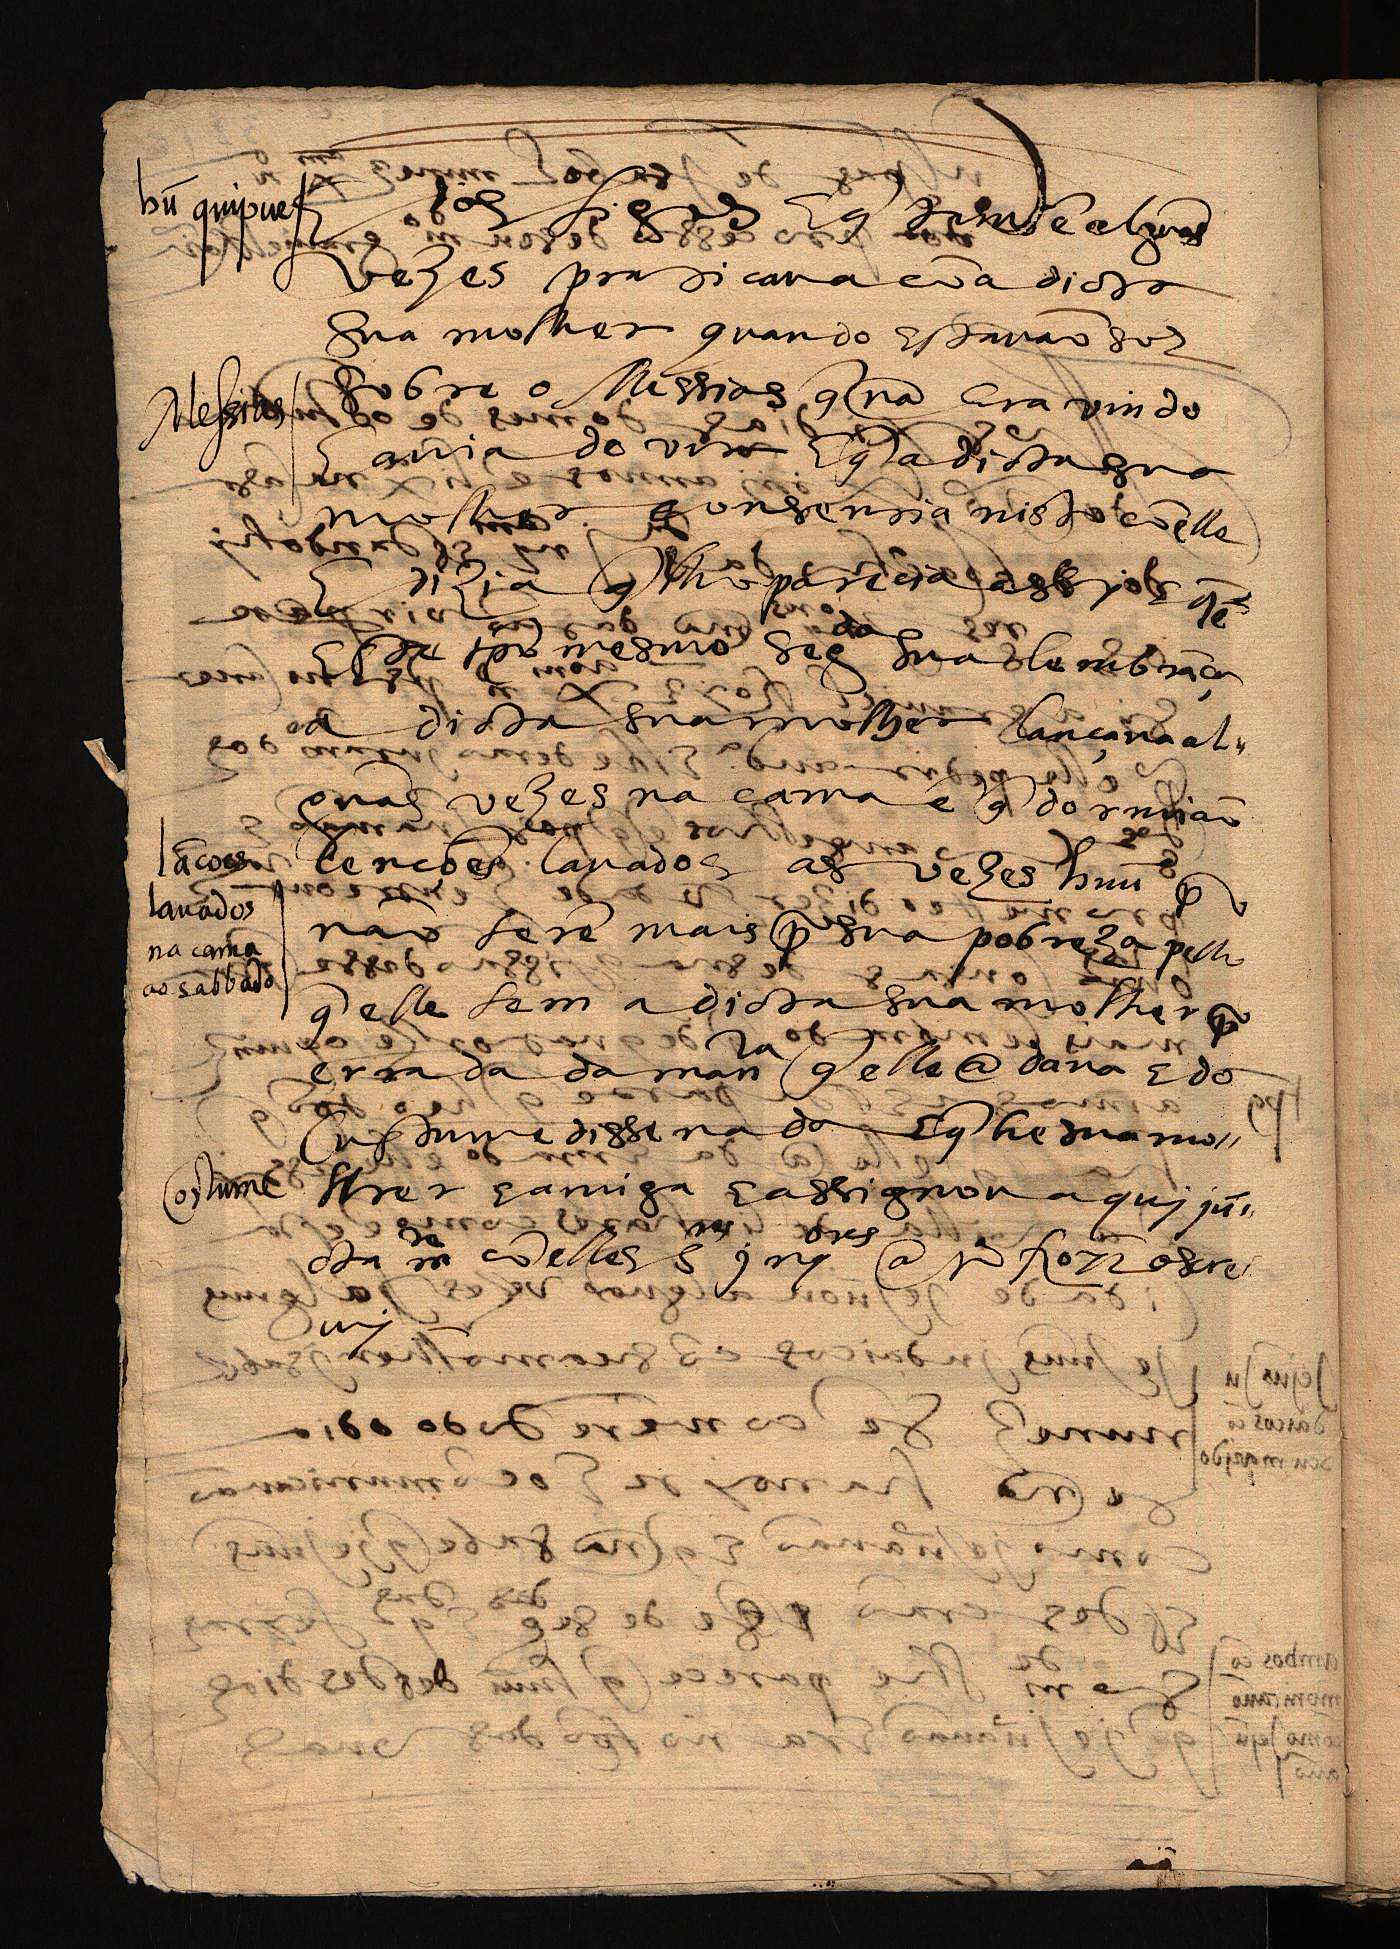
hū quipue
Messias
lācoes
lauados
na cama
ao sabbado
Costume
E dos figos E q̄ tambē algūas
vezes praticaua cō a dicta
sua molher quando Estauaõ sos
sobre o Messias q̄ nā Era vindo
E auia de vir E q̄ a dicta sua
molher consentia nisto cō elle
E dizia q̄ lho parecia assy E q̄ ē
Este tpō mesmo segdo sua lembrāça
a dicta sua molher lançaua al
guās vezes na cama ē q̄ dormiaõ
lençoēs lauados as vezes huū p̄o
naõ serē mais p̄o sua pobreza pello
q̄ elle tem a dicta sua molher p̄o
errada da manra q̄ elle ādaua E do
Custume disse nada E q̄ he sua mo
lher E amiga E assignou aquj jū
ctamte cō elles sres jnqores āto Royz̄ o scre
uy
